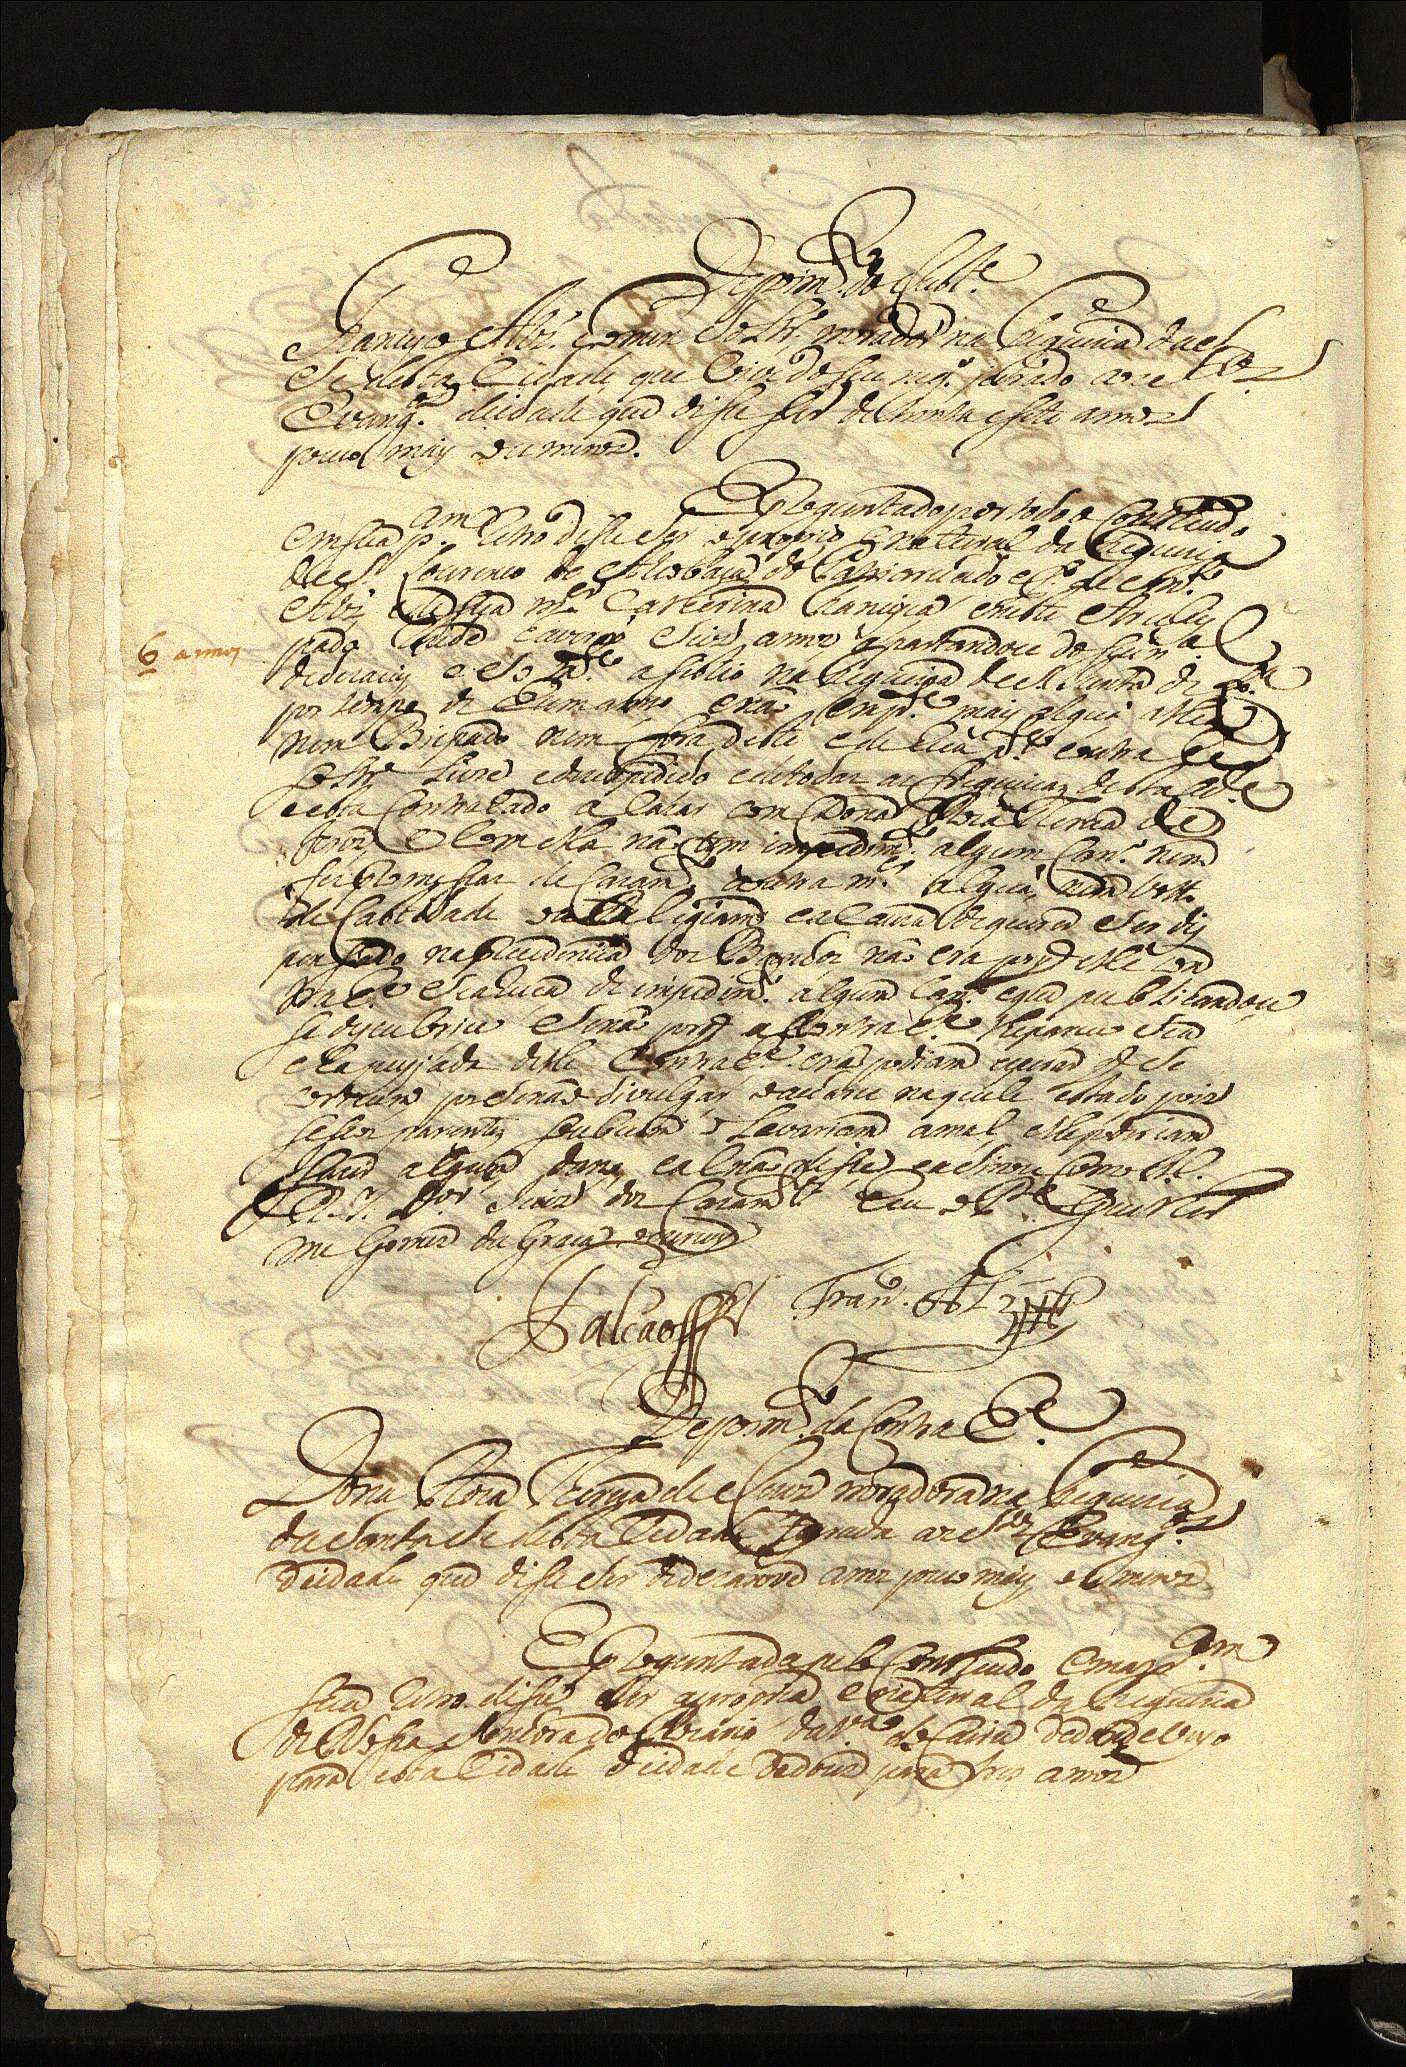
6 annos
Depoim.to do Just.e
Fran Alz̄ homem Soltr.o morador na Freguezia da S
Se desta Cidade, que Vive do seu neg.o jurado aos S.toz
Evang.oz de idade que disse ser de trinta e sete annoz
pouco mais ou menoz
E proguntado por todo o Contheudo
em sua p.am Retro disse ser o proprio natural da Freguezia
de S. Lourenco de Alcobaça do Patriarchado e f.o de An.to
Alz̄, e de sua m.el Catherina Francisca e neste Arcibis
pado Rezide haverá seiz annoz, apartandoce do seu n.al
de dezaceis, e som.te asistio na Freguezia de S. Iusta de Lx.a
por tempo de hum anno, e naõ em p.te mais alguā, alhea
nem Bispado nem fora deste e de hua p.te e outra he
soltr.o livre e dizempedido e de todaz as fregueziaz desta cid.e
e esta Contratado a Cázar com Dona Roza Thereza de
Jesuz, e Com ella naõ tem impedim.to algum Can.o nem
fez promessaz de Cazam.to a outra m.er alguā, nem votto
de Castidade ou Religiam e a Cauza de querer ser dis
pensado na precedencia doz Bandoz, naõ era pois elle con
trah.e se achace de impedim.to álgum Can.o e que publicandoçe
se discubriçe senaõ porq̄ a Contrah.e lhe pareçe se a
cha pujjada delle Contrah.e e naõ podiam esperar q̄ se
corteara, por senaõ divulgar o achasce naquele estado poiz
se seoz parentez soubecem o Levariam a mal, e lhe podriam
fazer algum dano, e al naõ disse, e asinou Com o M.
R. rs. D.or Iuiz doz Cazam.tos E eu o P.e Guilher
me Gomez da Graça o escrevy
Falcão
Fran.co Alz̄
Depoim.to da Contrah.e
Dona Roza Thereza de Iesuz moradora na Freguezia
da Santa Se desta Cidade __rada aos Stoz Evang.oz
de idade que disse ser de dezanove annoz pouco mais ou menoz
E preguntada pelo Contheudo em a p.am
sua Retro disse ser a propria e natural da Freguezia
de Nossa Senhora do Rozario da V.a do Cairu de donde veyo
para esta Cidade de idade de douz para tres annoz
